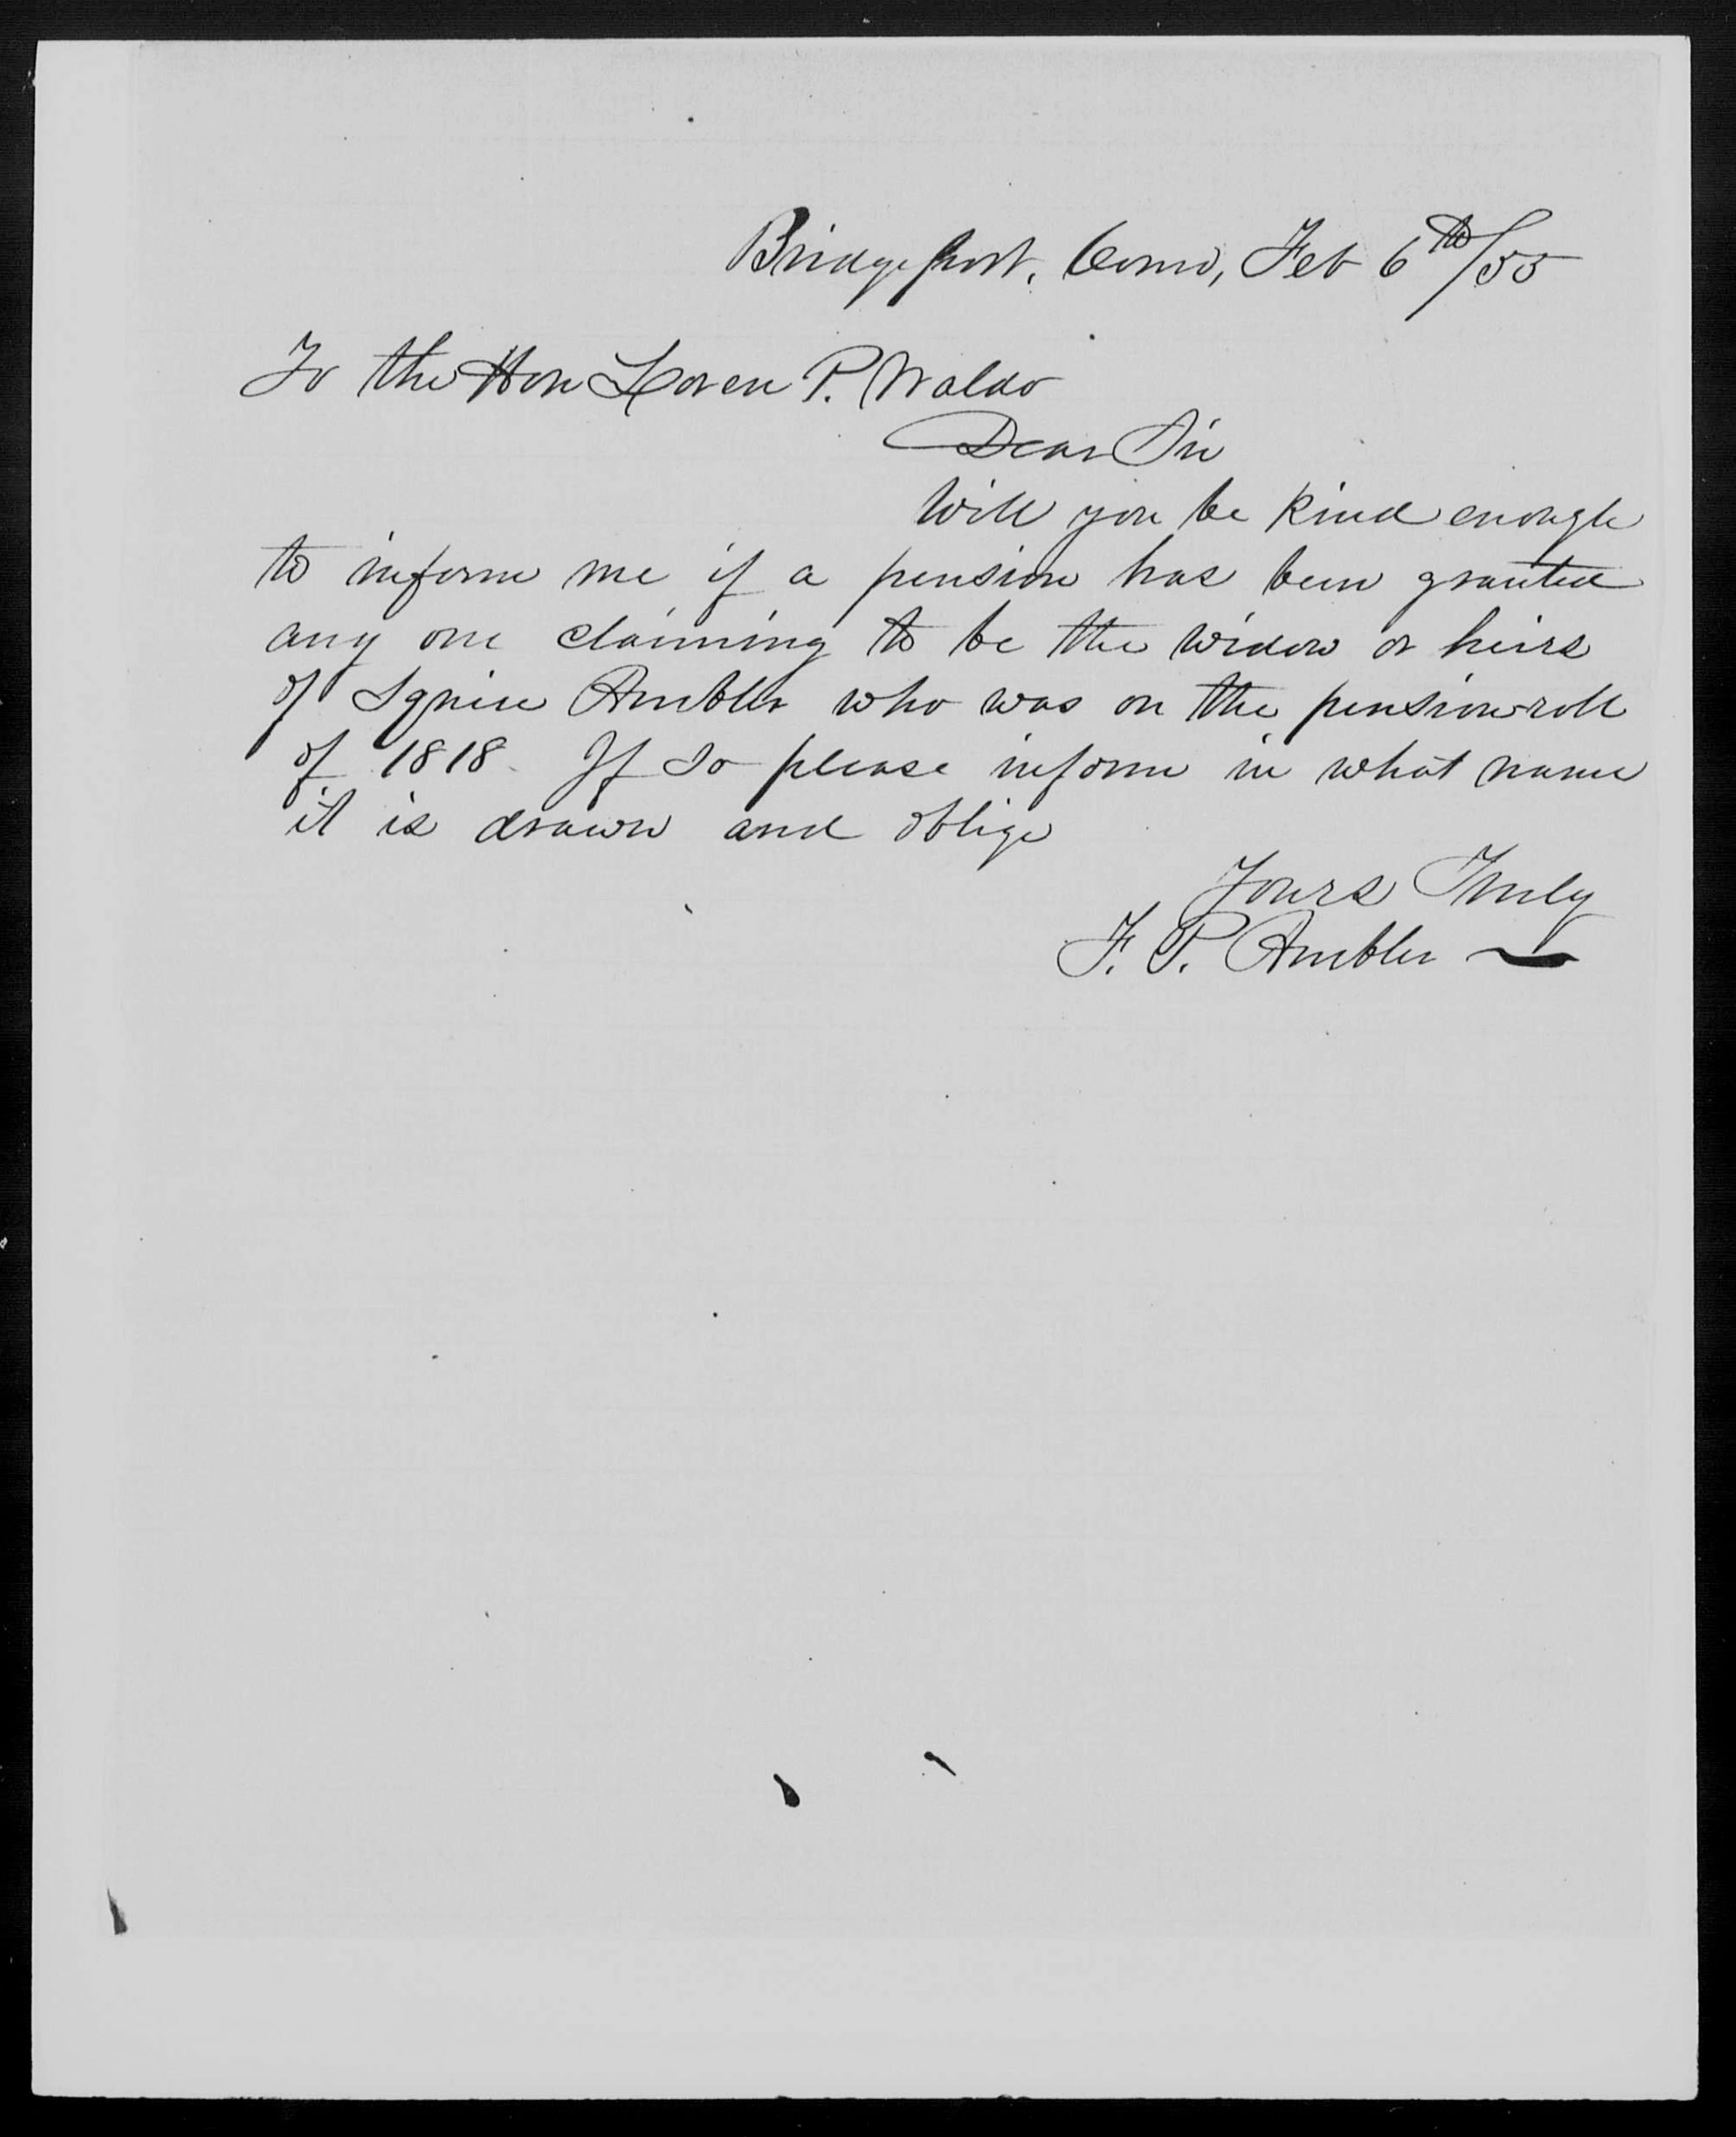Bridgeport, Conn [Connecticut], Feb [February] 6th /55 [1855]
To the Hon [Honorable] Loren P. Waldo
Dear Sir
Will you be kind enough to inform me if a pension has been granted any one claiming to be the widow or heirs of Squire Ambler who was on the pension role of 1818. If so please inform me in what name it is drawn and oblige

Yours Truly
F. P. Ambler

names: Loren P Waldo, F P Ambler, Squire Ambler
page: 38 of 39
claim: widow's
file: W. 2,056, Squire Ambler, Continental (Sol. Res. In N.Y. & Conn.)